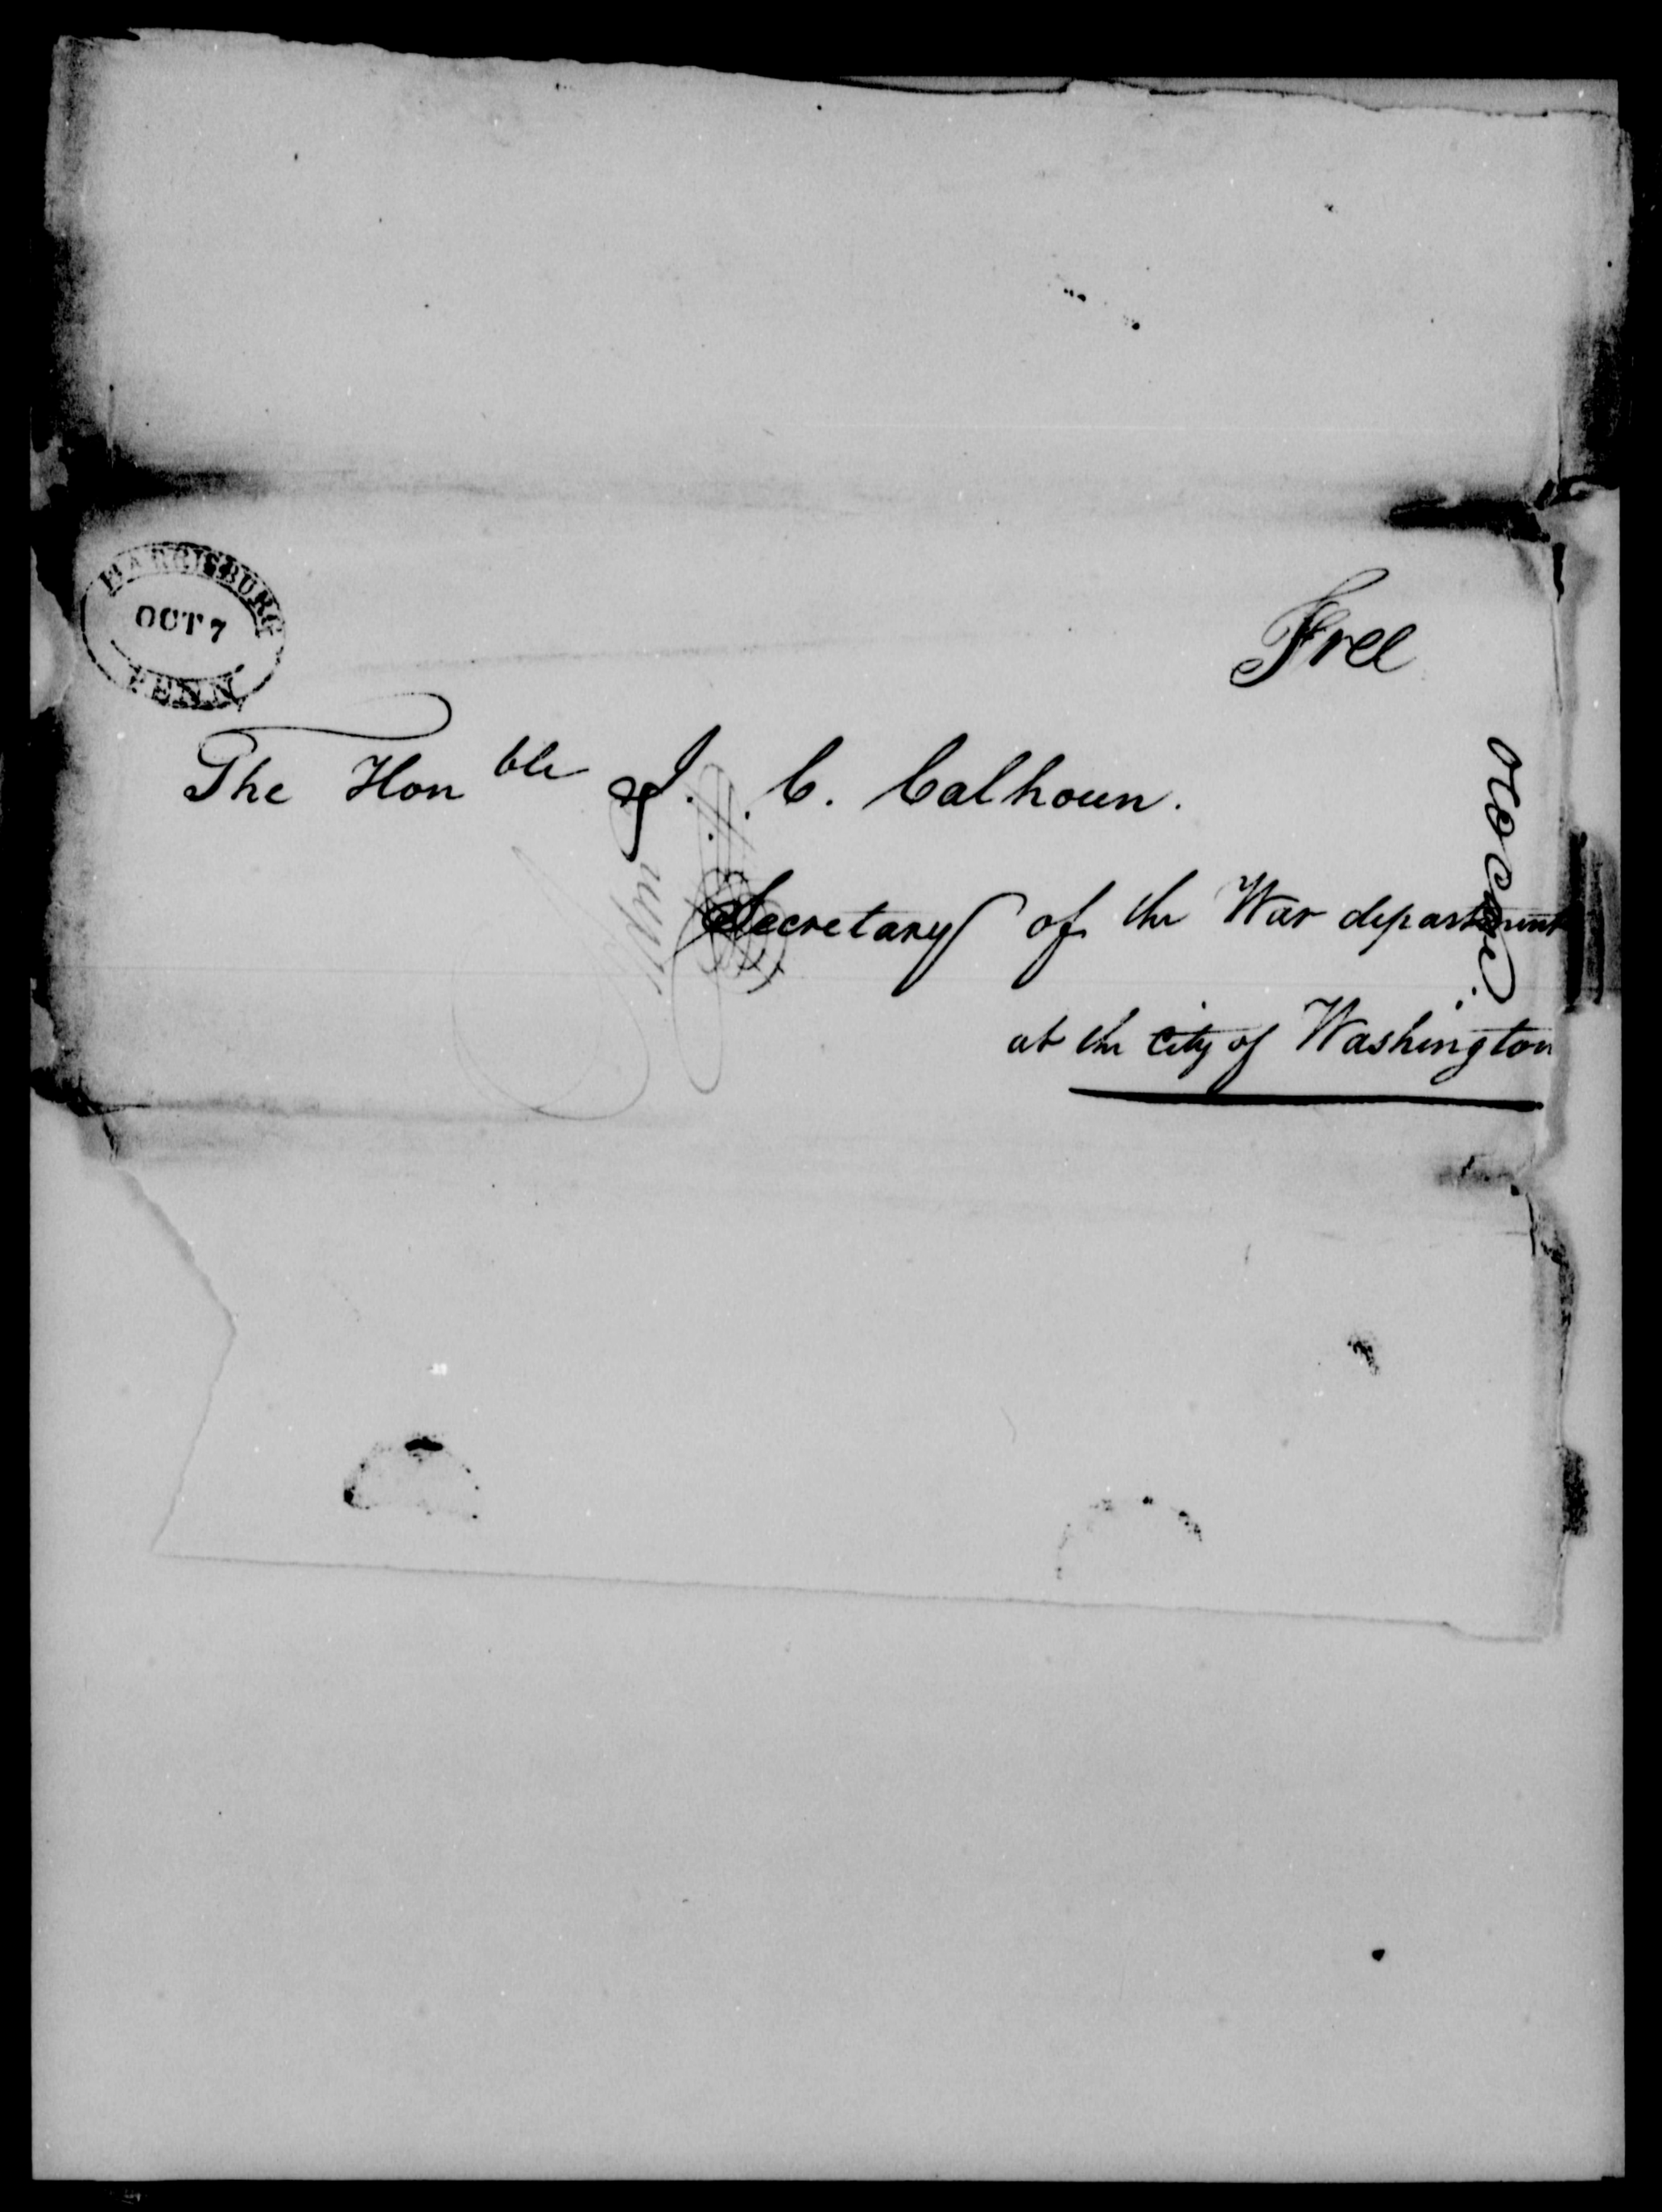{stamp} Harrisburg Penn Oct 7
Free

The Hon. J.C. Calhoun
Secretary of the War department
at the city of Washington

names: J C Calhoun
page: 9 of 20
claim: survivor's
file: S 40454, for Edward Smith, Pennsylvania